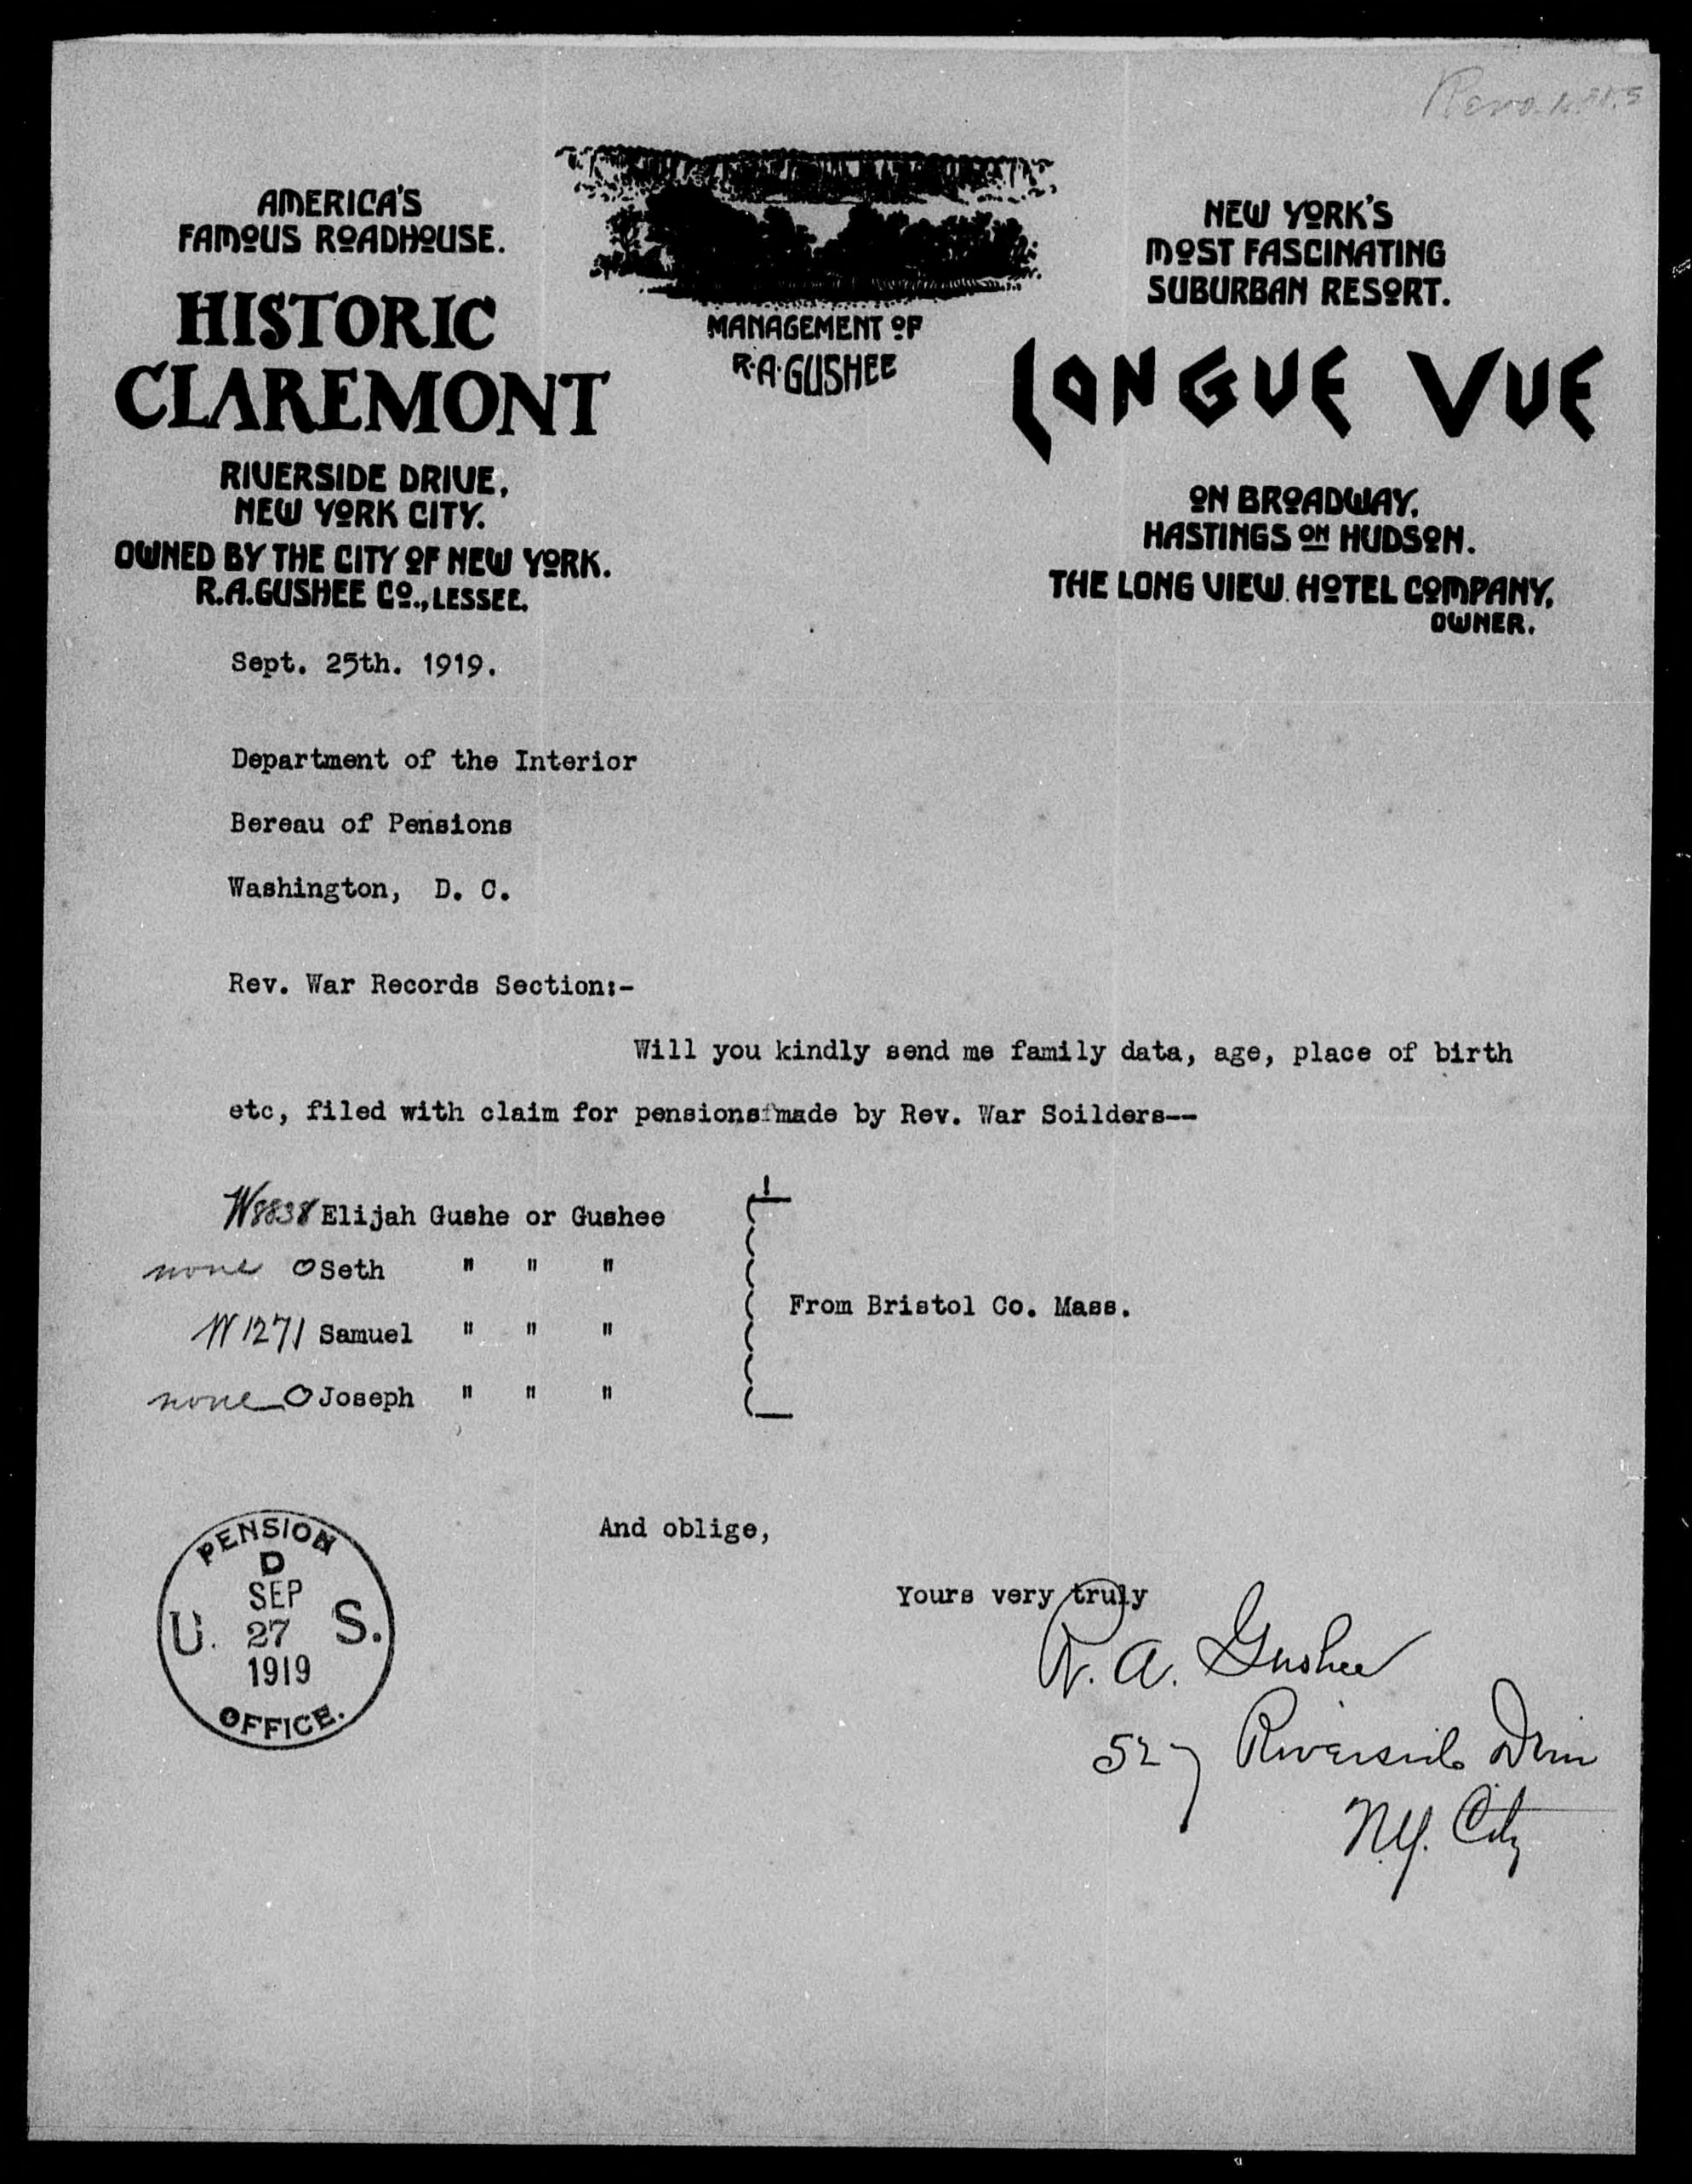{Header of letter is easy to read}

Sept. 25th. 1919.

Department of the Interior
Bureau of Pensions
Washington, D.C. 

Rev. War Records Section: -
     Will you kindly send me family data, age, place of birth etc, filed with claim for pensions made by Rev. War Soldiers - 

W8838  Elijah Gushe or Gushee
None Seth Gushe or Gushee
W1271 Samuel Gushe or Gushee
none 0 Joseph Gushe or Gushee
From Bristol Co. Mass. 

And oblige, 
Yours very trylt 
R A Gushee
527 Riverside Drive
N.Y. City

Stamp of Pension Office seen to left. 
Sept 27 1919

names: Samuel Gushe, Joseph Gushee, Elijah Gushe, Elijah Gushee, R A Gushee, Joseph Gushe, R A Gushee, Seth Gushe, Samuel Gushee, Seth Gushee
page: 23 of 36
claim: widow's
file: W. 8838, Elijah Gushee, Mass.